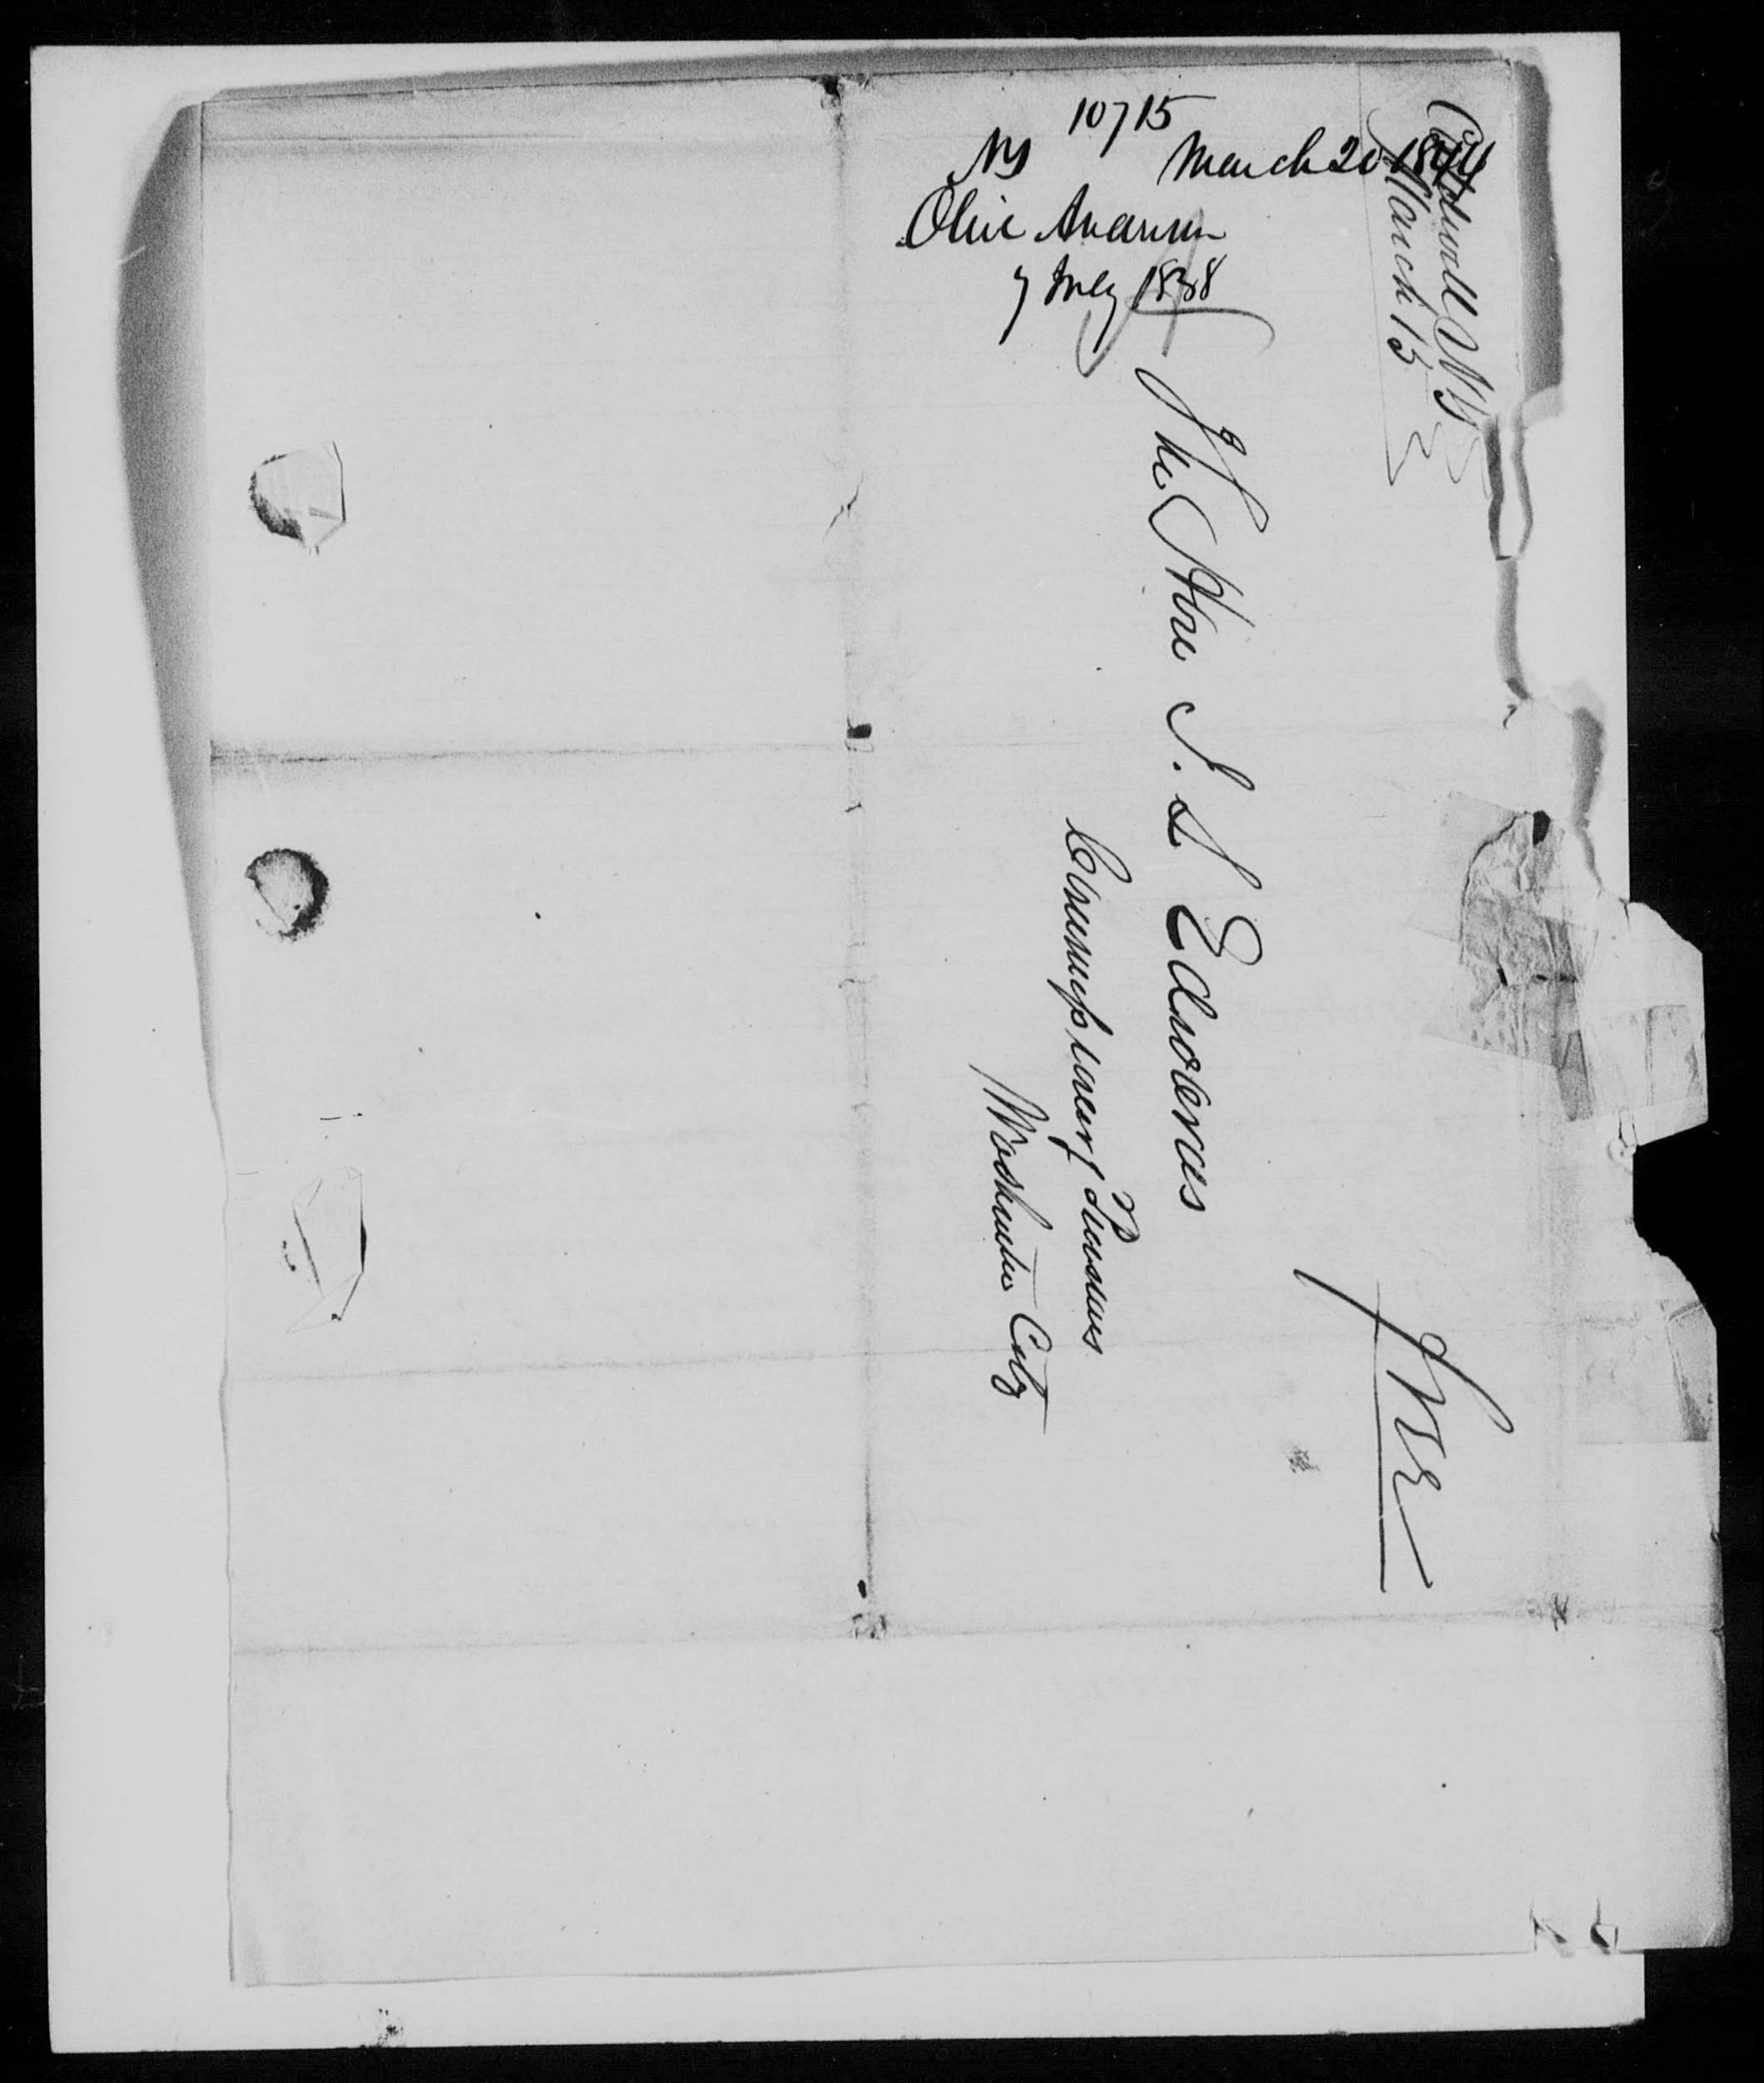10715
NY March 20 1844
Olive Anderson
7 July 1848

[written lengthwise]
Caldwell NY
March 13

The Hon J. L. Edwards
Commissioner of Pensions
Washington City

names: J L Edwards, Olive Anderson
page: 28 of 39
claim: widow's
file: W. 20624, David Anderson, Mass